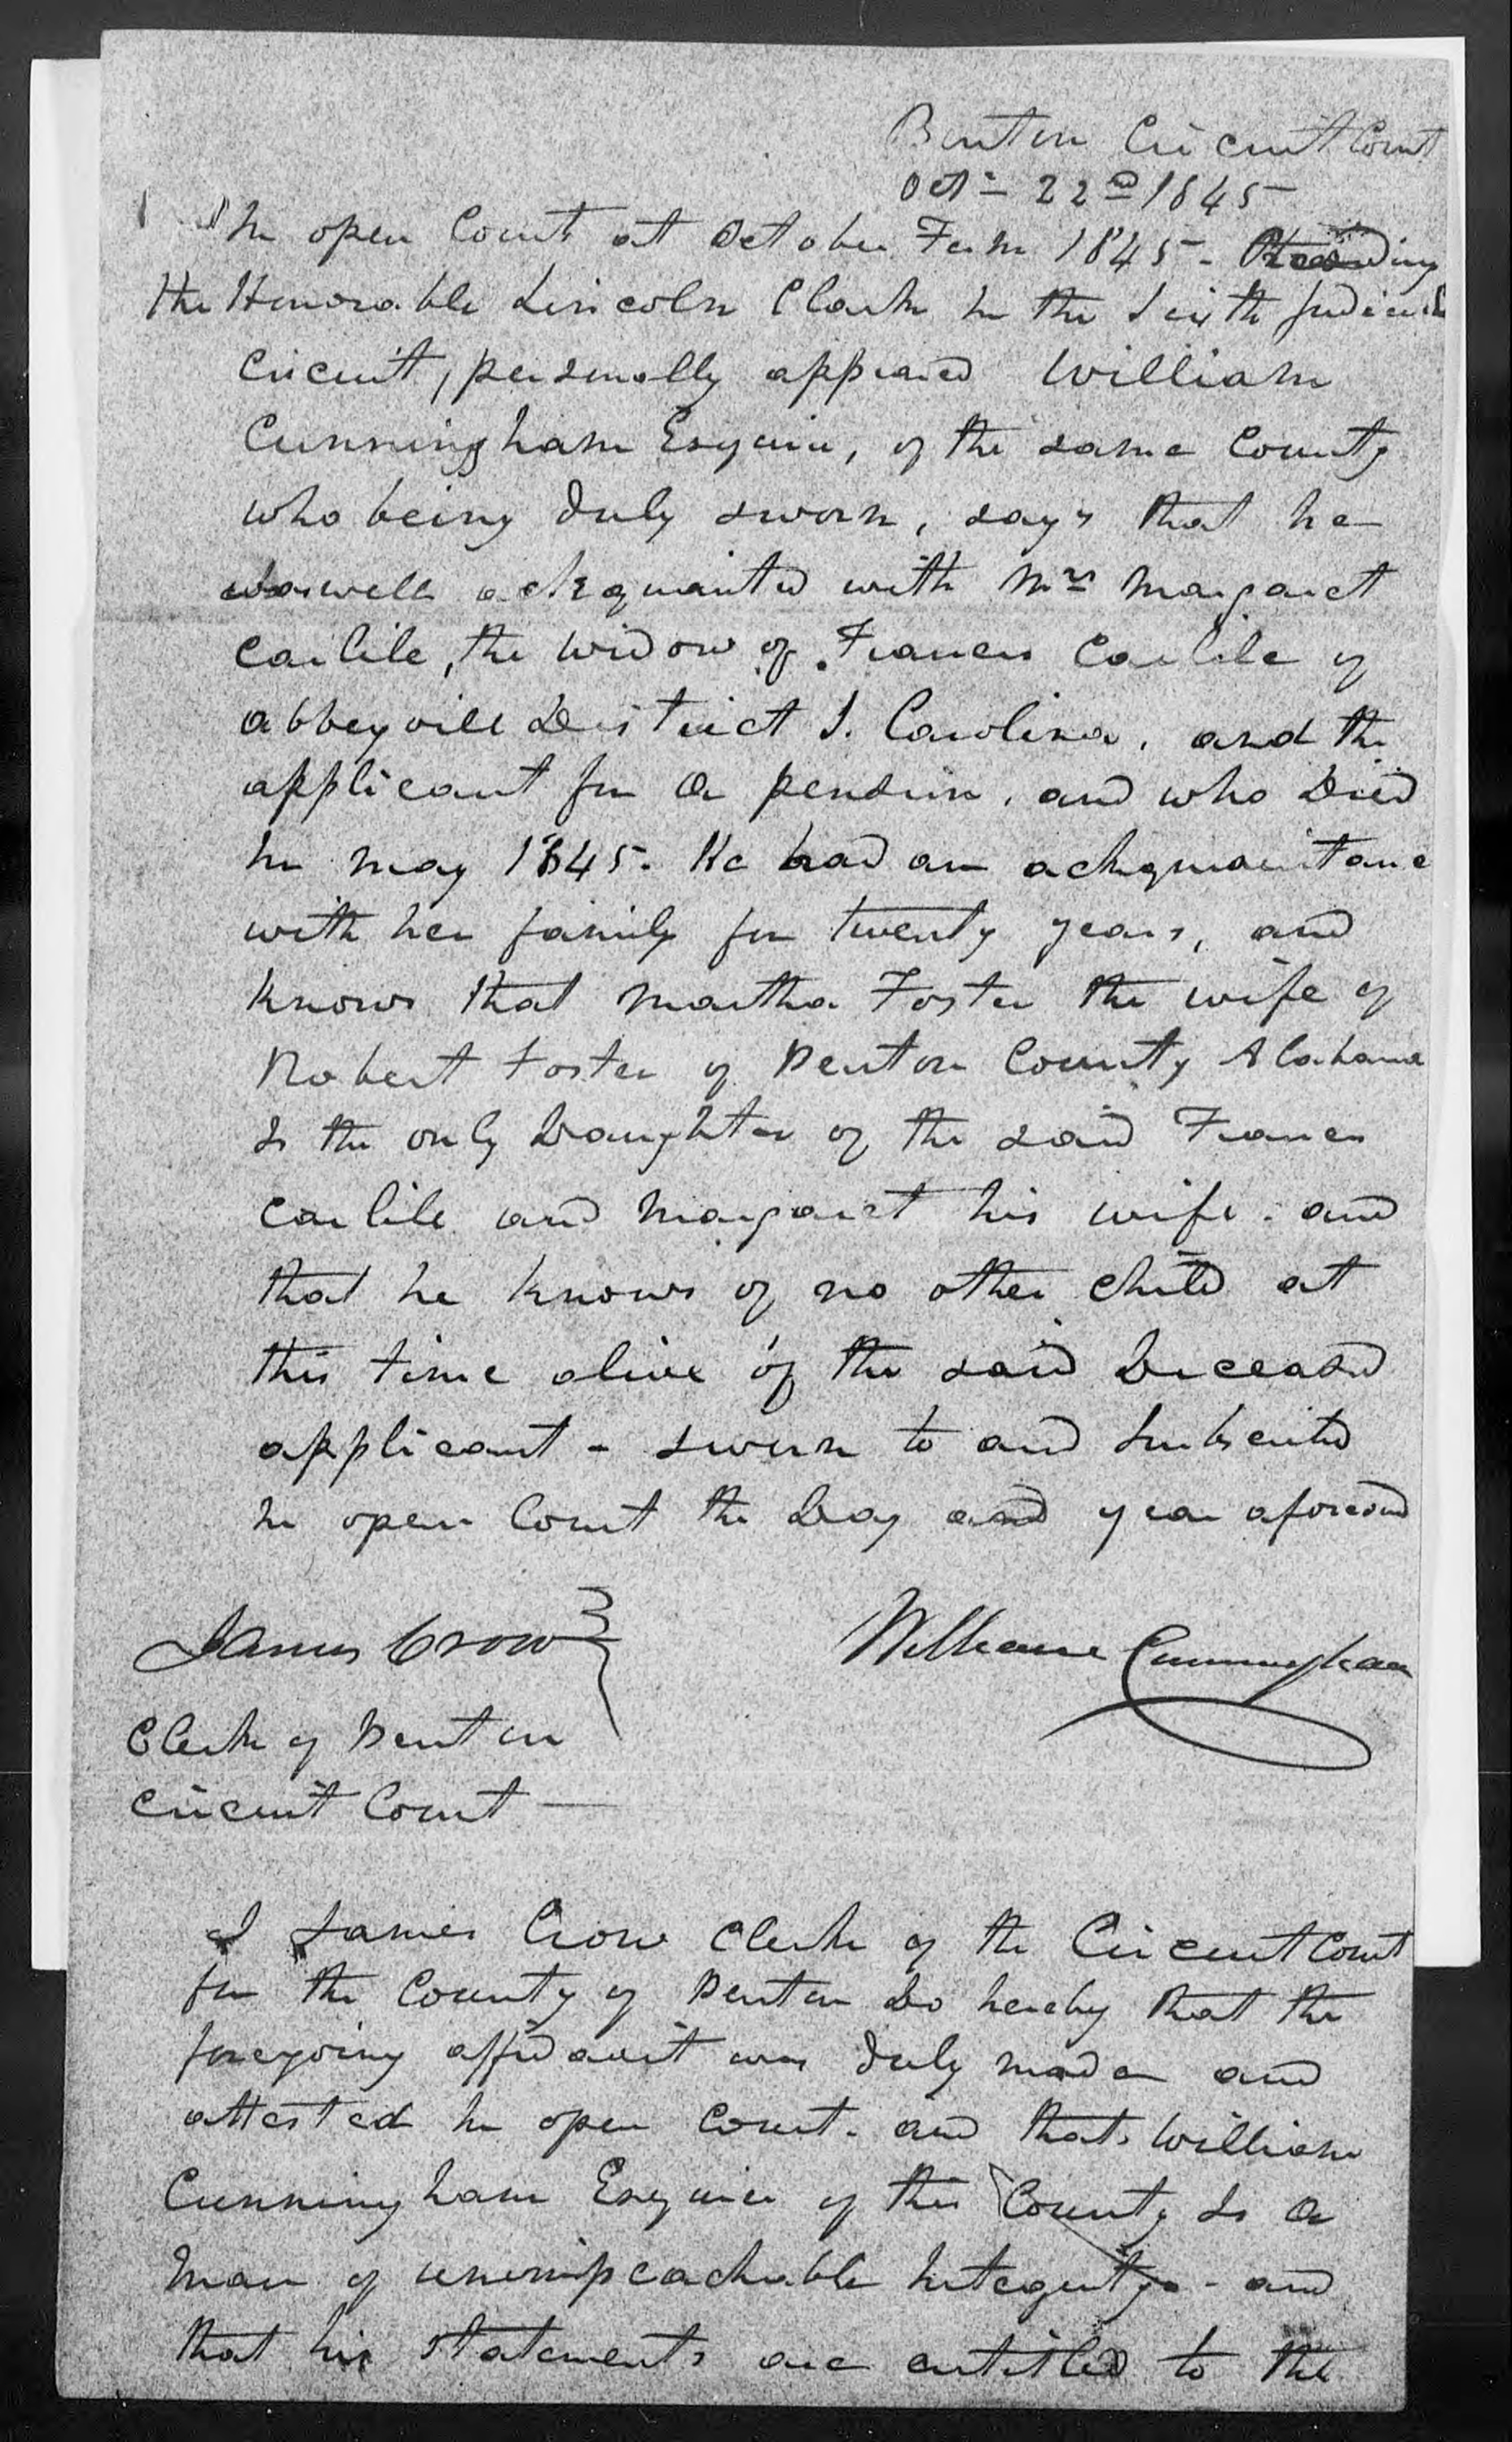Benton Circuit Court
Oct. 22nd 1845
In open Court at October 1845 Presiding the Honorable Lincoln Clark in the Sixth Judicial circuit personally appeared William Cunningham Esquire, of the same County who being duly sworn, says that he was well acquainted with Mrs. Margaret Carlisle, the widow of Frances Carlisle of
Abbeville District S. Carolina, and the applicant for a pension, and who died in May 1845. he had an acquaintance with her family for twenty years, and knows that Martha Foster the wife of Robert Foster of Benton County Alabama is the only Daughter of the said Frances Carlisle and Margaret his wife and
that he knows of no other child at this time live of the said deceased applicant - sworn to and subscribed in he open Court the day and year aforesaid
[signed] William Cunningham
James Crow
Clerk of Benton
Circuit Court

I James Crow Clerk of the Circuit Court for the County of Burton do hereby that the foregoing affidavit was duly made and attested to in open Court, and that William Cunningham Esquire of this County is a man of unimpeachable integrity and that his statements are entitled to the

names: Martha Foster, Francis Carlile, Margaret Carlile, James Crow, William Cunningham, Robert Foster, Francis Carlile, Margaret, William Cunningham, William Cunningham, James Crow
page: 38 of 91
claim: widow's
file: W. 10576, Francis Carlisle, S.C.